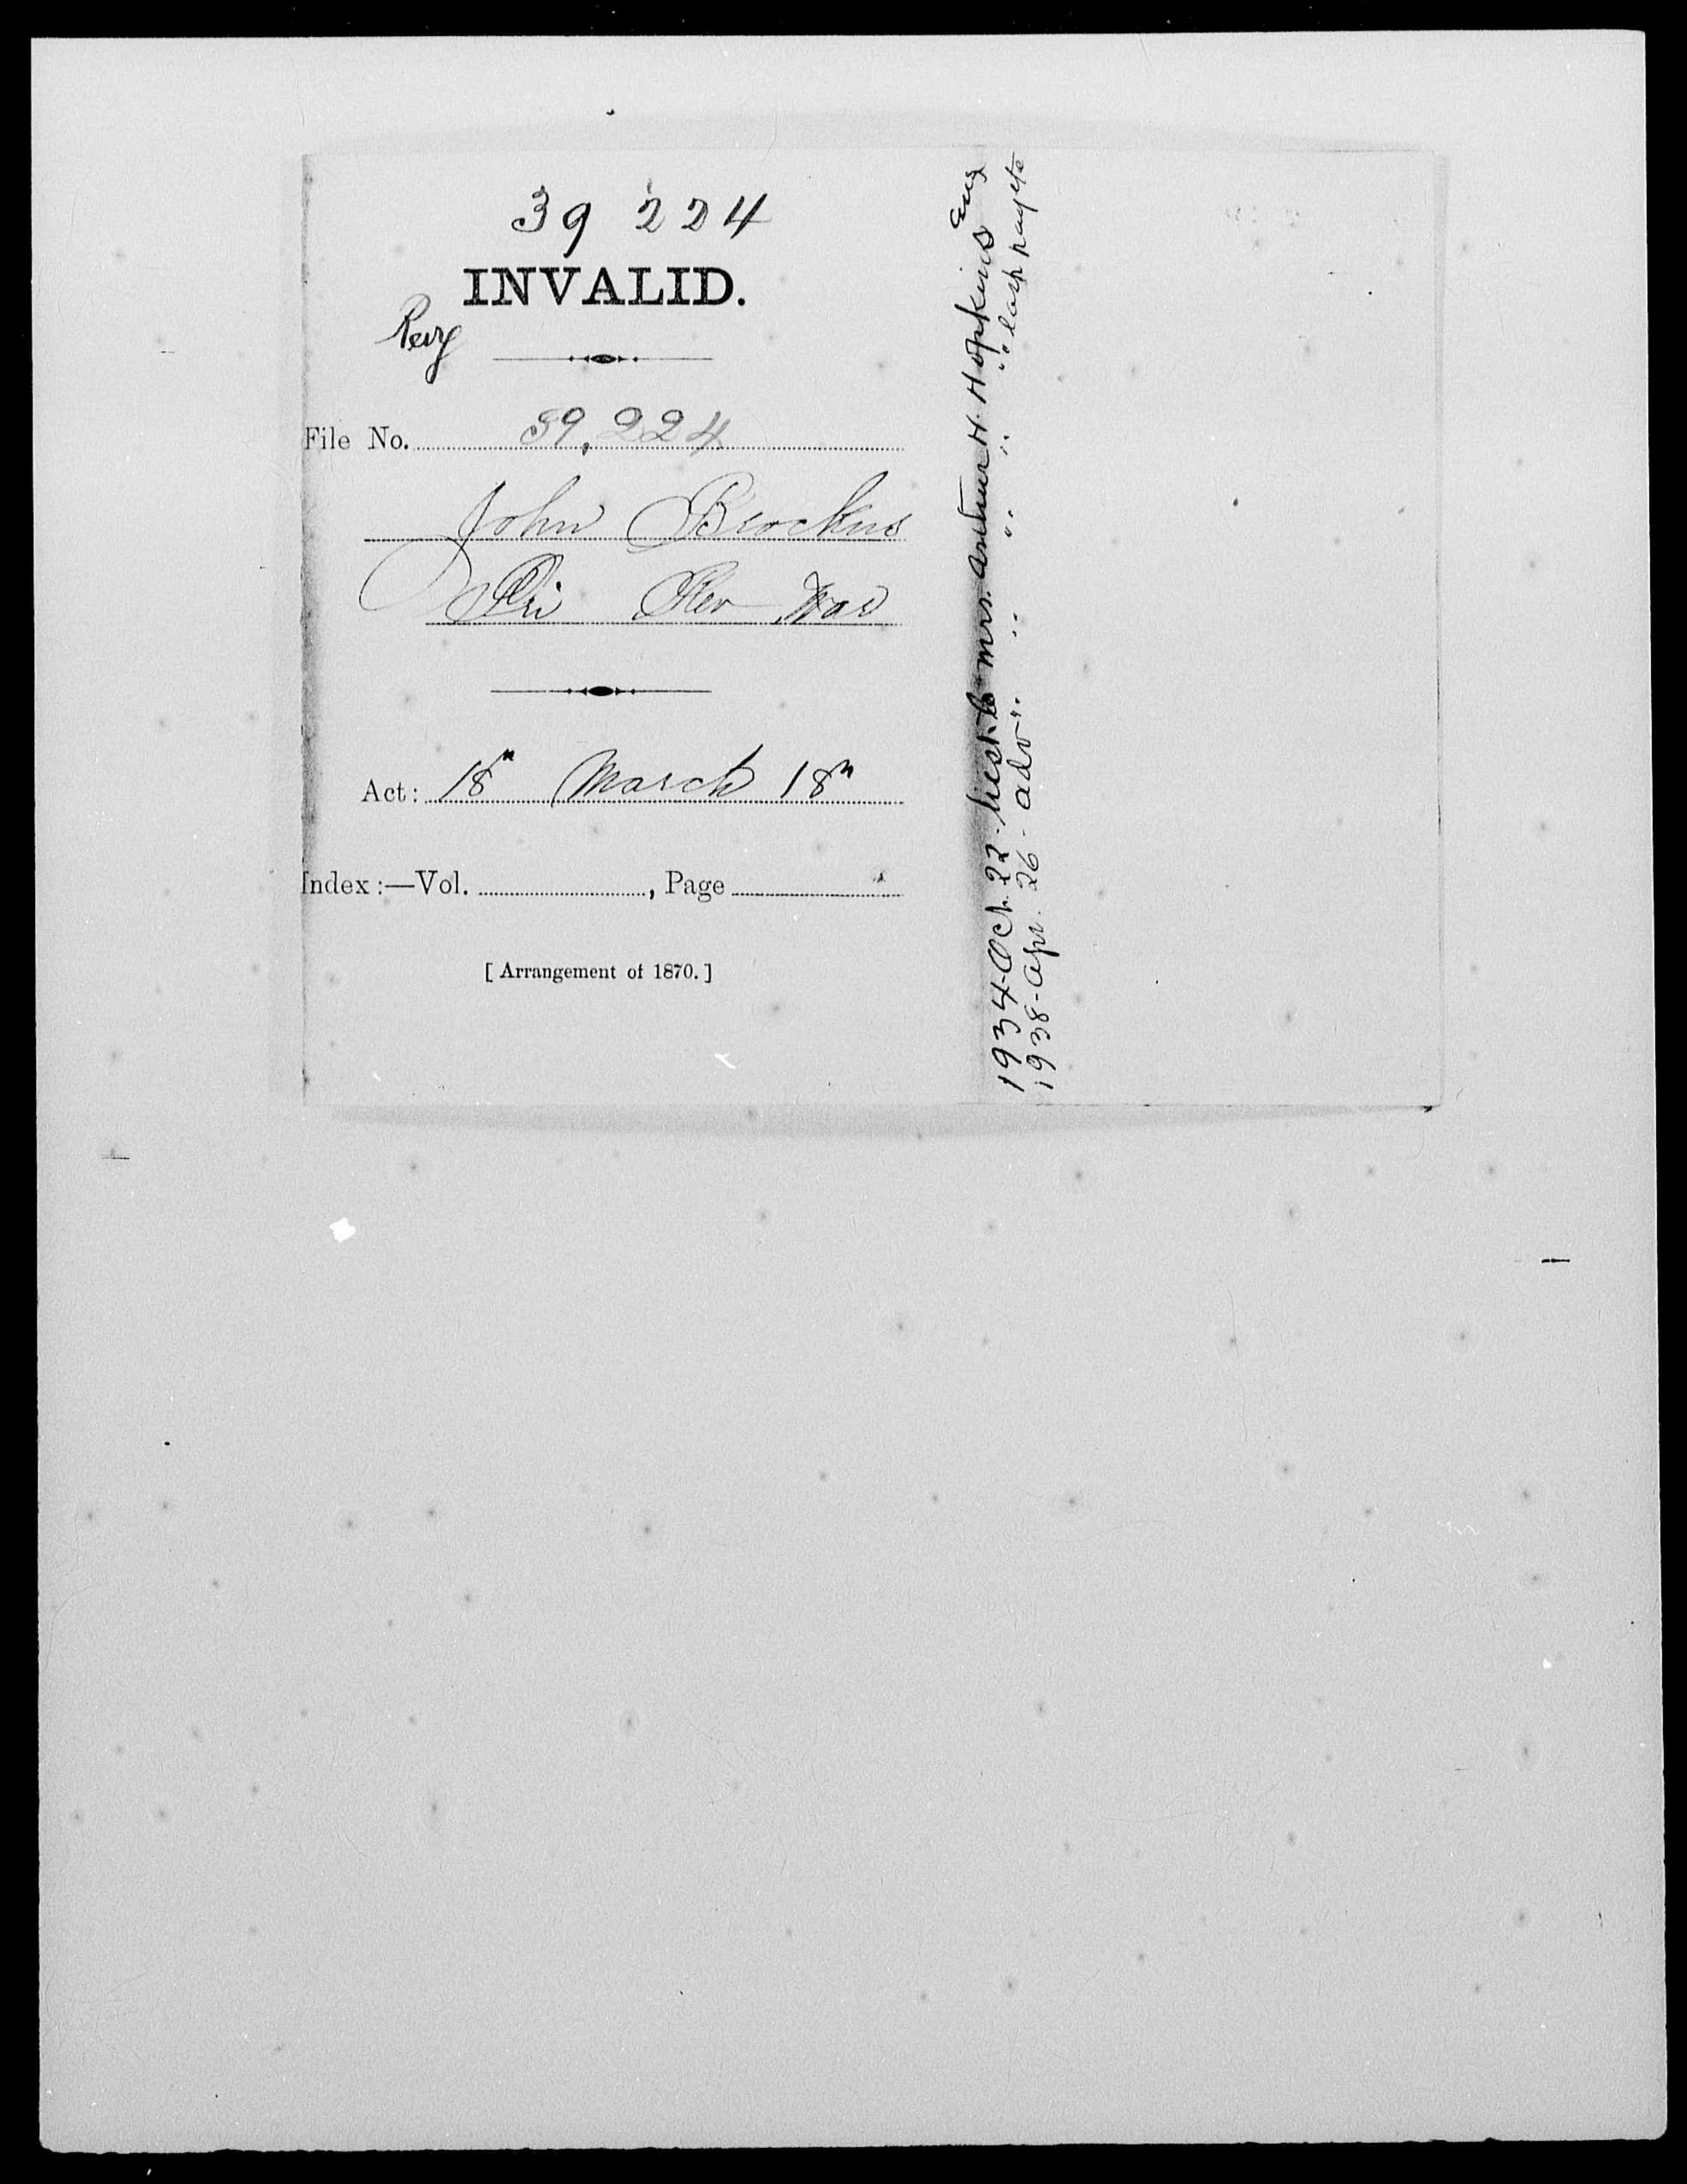39 224
INVALID
[illegible]
File No. 39,224
John Brockus
[illegible]
Act: 18 March 18
Index:-Vol.      Page
[Arrangement of 1870.]

1934-Oct. 22 first to Mrs. Arthur H. Hopkins 
1938-Apr. 26 [illegible]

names: Arthur H Hopkins, John Brockus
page: 12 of 19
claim: survivor's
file: S. 39,224, John Brockus, Va.